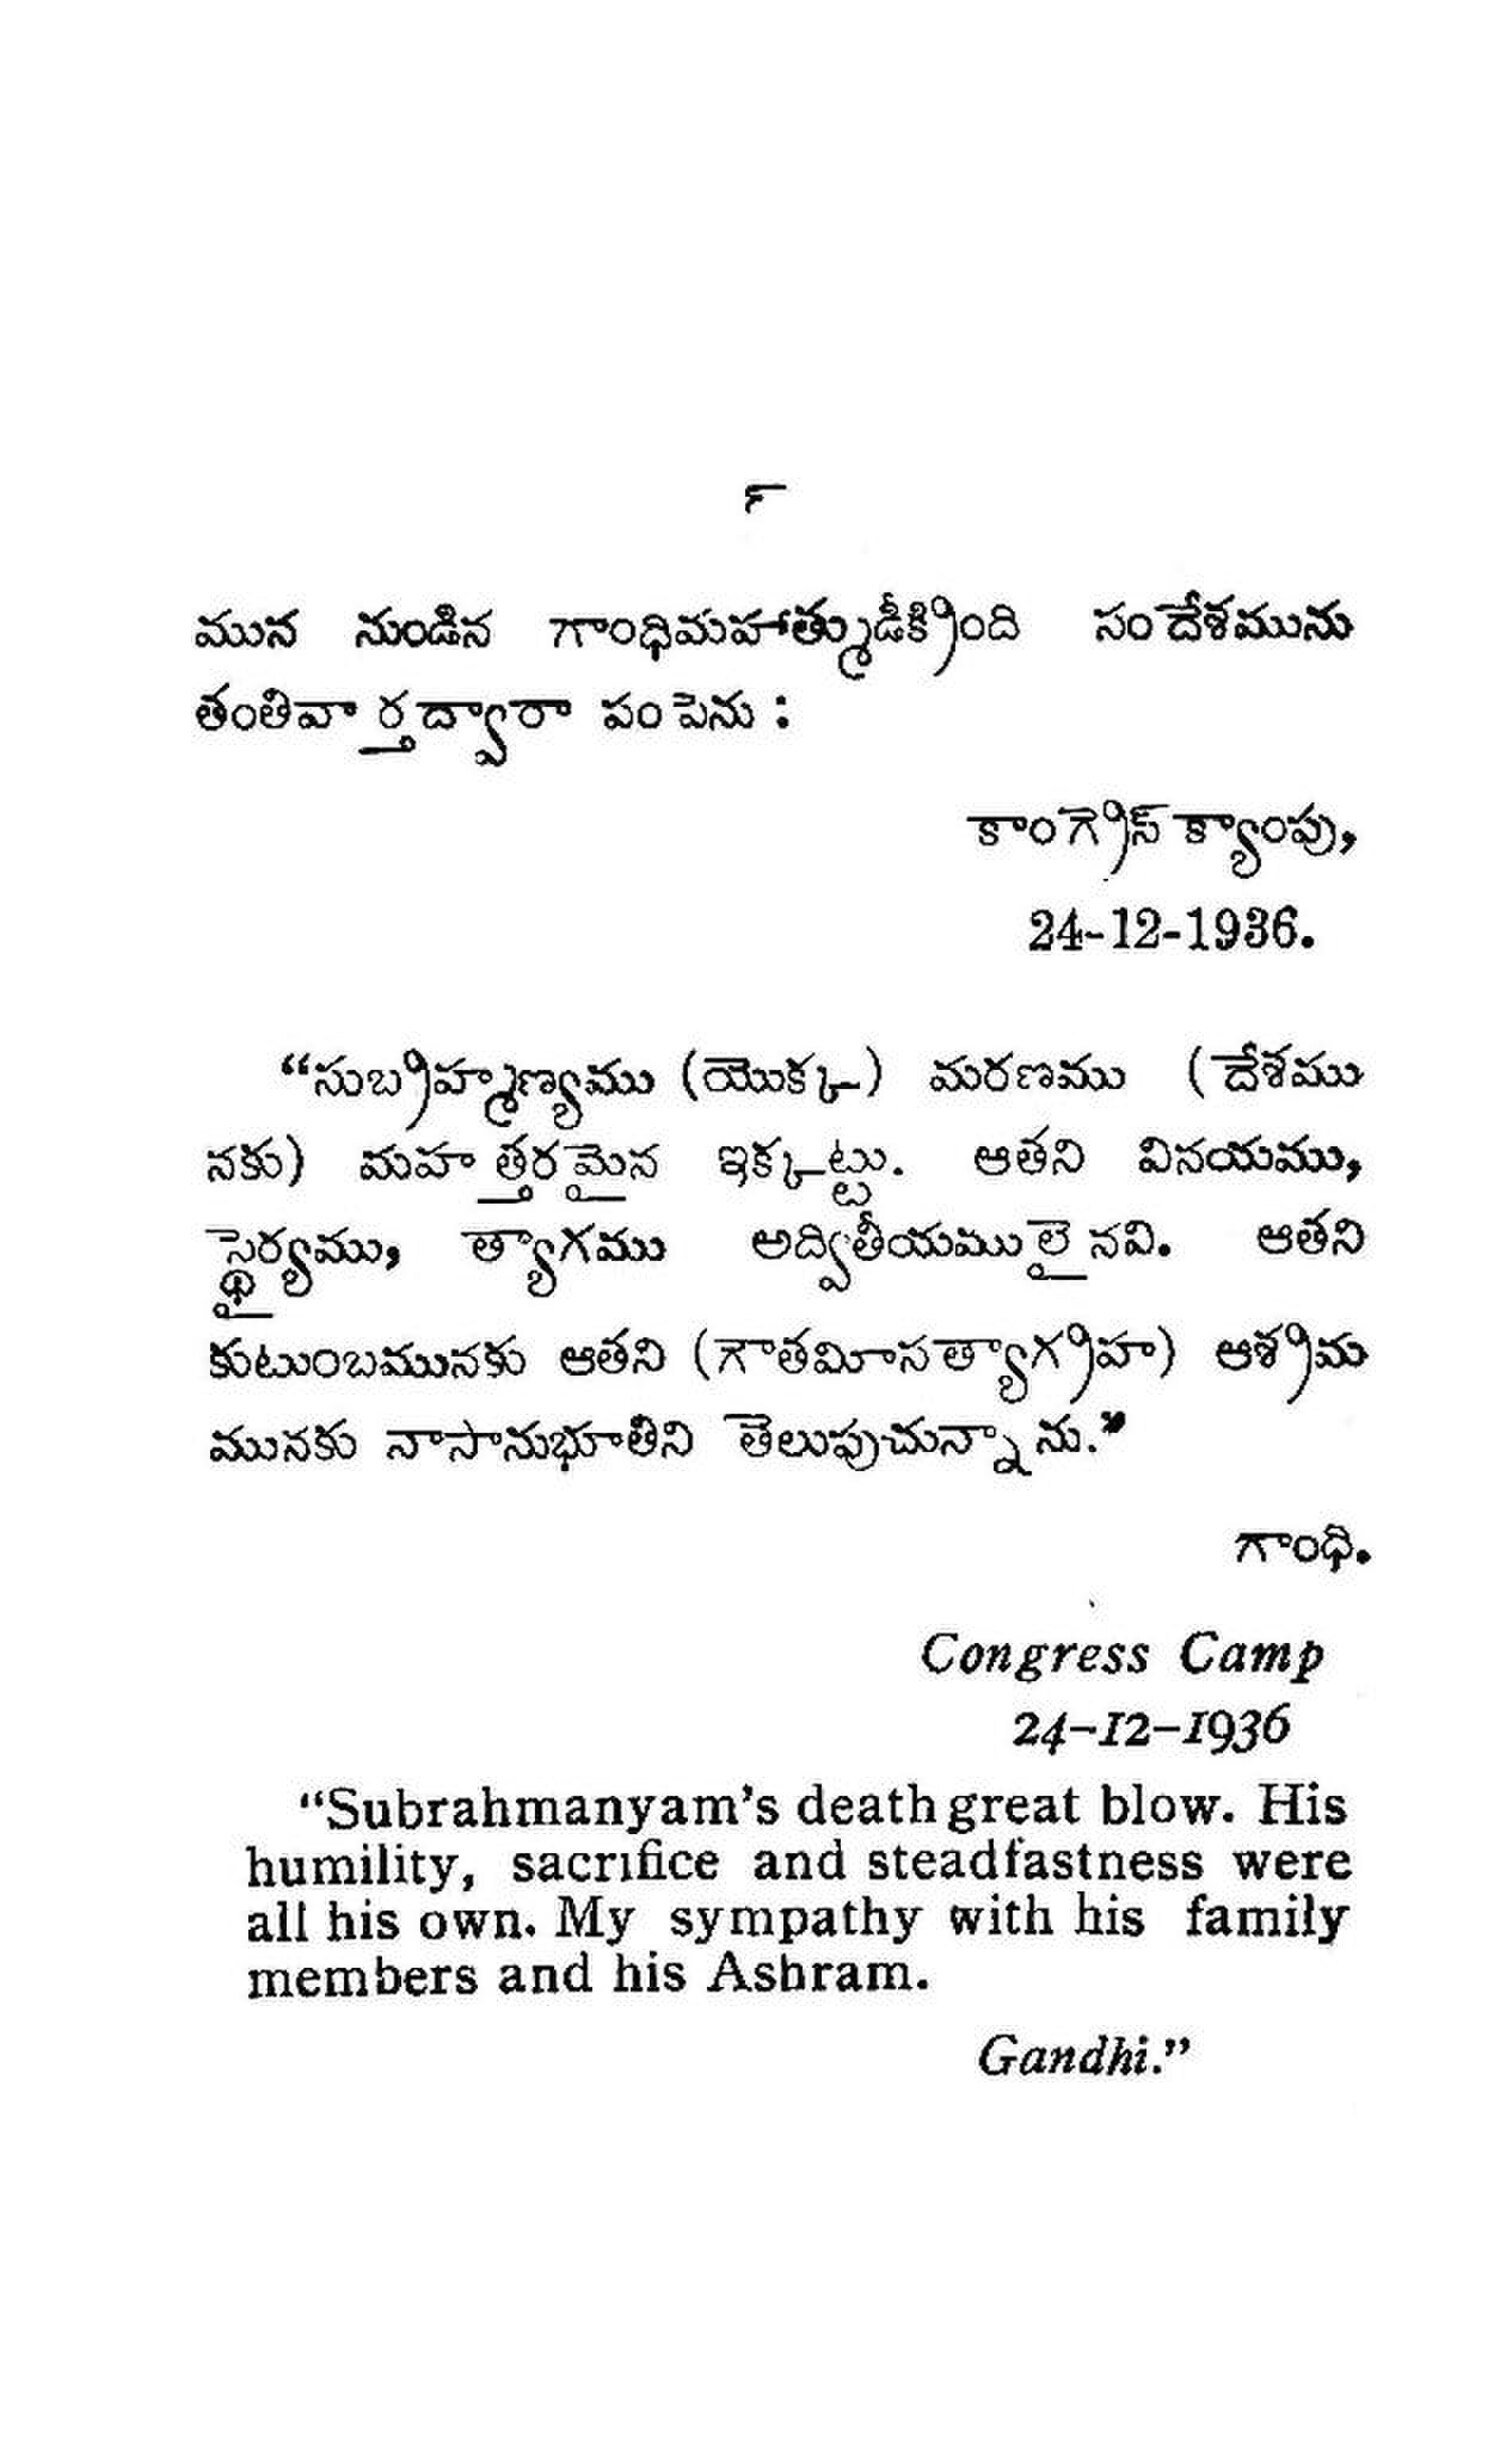మున నుండిన గాంధిమహాత్ముడీక్రింది సందేశమును తంతివార్తద్వారా పంపెను:

“సుబ్రహ్మణ్యము (యొక్క) మరణము (దేశమునకు) మహత్తరమైన ఇక్కట్టు. ఆతని వినయము, స్థైర్యము, త్యాగము అద్వితీయములైనవి. ఆతని కుటుంబమునకు ఆతని (గౌతమీసత్యాగ్రహ) ఆశ్రమమునకు నాసానుభూతిని తెలుపుచున్నాను.”
 
“Subrahmanyam's death great blow. His humility, sacrifice and steadfastness were all his own. My sympathy with his family members and his Asbram.